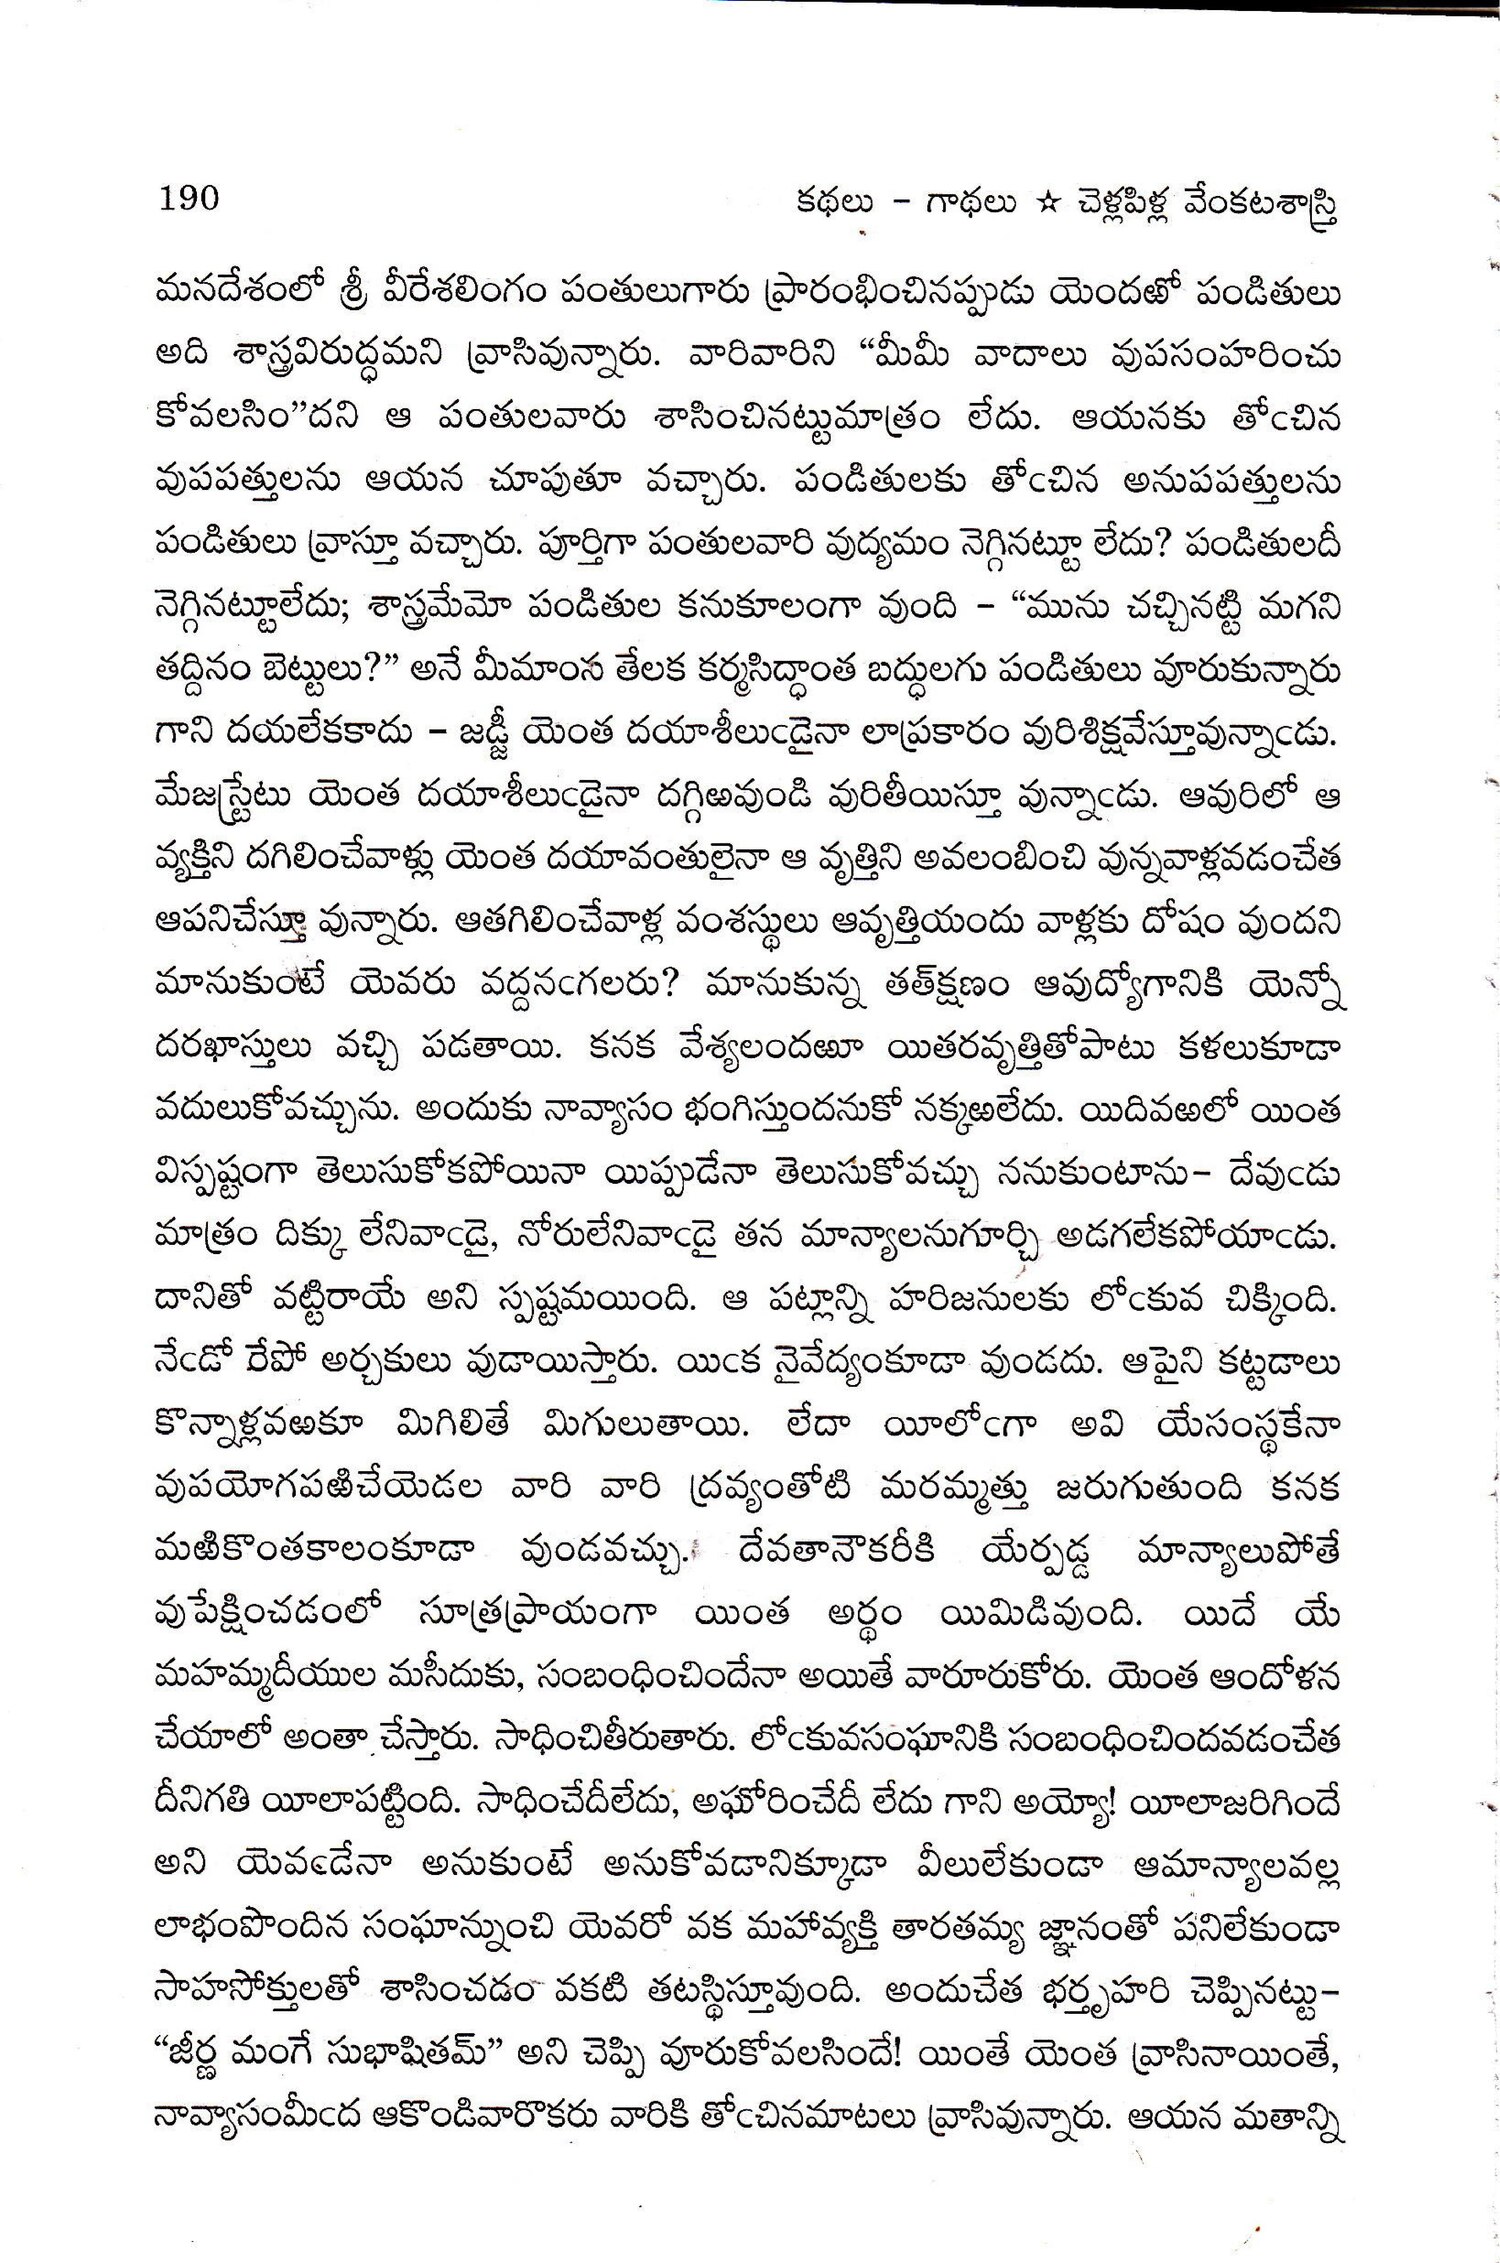మనదేశంలో శ్రీ వీరేశలింగం పంతులుగారు ప్రారంభించినప్పుడు యెందఱో పండితులు అది శాస్త్రవిరుద్ధమని వ్రాసివున్నారు. వారివారిని "మీమీ వాదాలు వుపసంహరించు కోవలసిం"దని ఆ పంతులవారు శాసించినట్టుమాత్రం లేదు. ఆయనకు తోఁచిన వుపపత్తులను ఆయన చూపుతూ వచ్చారు. పండితులకు తోఁచిన అనుపపత్తులను పండితులు వ్రాస్తూ వచ్చారు. పూర్తిగా పంతులవారి వుద్యమం నెగ్గినట్టూ లేదు? పండితులదీ నెగ్గినట్టూలేదు; శాస్త్రమేమో పండితుల కనుకూలంగా వుంది - "మును చచ్చినట్టి మగని తద్దినం బెట్టులు?” అనే మీమాంస తేలక కర్మసిద్ధాంత బద్దులగు పండితులు వూరుకున్నారు గాని దయలేకకాదు - జడ్జీ యెంత దయాశీలుఁడైనా లాప్రకారం వురిశిక్షవేస్తూవున్నాఁడు. మేజస్ట్రేటు యెంత దయాశీలుఁడైనా దగ్గిఱవుండి వురితీయిస్తూ వున్నాఁడు. ఆవురిలో ఆ వ్యక్తిని దగిలించేవాళ్లు యెంత దయావంతులైనా ఆ వృత్తిని అవలంబించి వున్నవాళ్లవడంచేత ఆపనిచేస్తూ వున్నారు. ఆతగిలించేవాళ్ల వంశస్థులు ఆవృత్తియందు వాళ్లకు దోషం వుందని మానుకుంటే యెవరు వద్దనఁగలరు? మానుకున్న తత్క్షణం ఆవుద్యోగానికి యెన్నో దరఖాస్తులు వచ్చి పడతాయి. కనక వేశ్యలందఱూ యితరవృత్తితోపాటు కళలుకూడా వదులుకోవచ్చును. అందుకు నావ్యాసం భంగిస్తుందనుకో నక్కఱలేదు. యిదివఱలో యింత విస్పష్టంగా తెలుసుకోకపోయినా యిప్పుడేనా తెలుసుకోవచ్చు ననుకుంటాను- దేవుఁడు మాత్రం దిక్కు లేనివాఁడై, నోరులేనివాఁడై తన మాన్యాలనుగూర్చి అడగలేకపోయాఁడు. దానితో వట్టిరాయే అని స్పష్టమయింది. ఆ పట్లాన్ని హరిజనులకు లోఁకువ చిక్కింది. నేఁడో రేపో అర్చకులు వుడాయిస్తారు. యిఁక నైవేద్యంకూడా వుండదు. ఆపైని కట్టడాలు కొన్నాళ్లవఱకూ మిగిలితే మిగులుతాయి. లేదా యీలోఁగా అవి యేసంస్థకేనా వుపయోగపఱిచేయెడల వారి వారి ద్రవ్యంతోటి మరమ్మత్తు జరుగుతుంది కనక మఱికొంతకాలంకూడా వుండవచ్చు. దేవతానౌకరీకి యేర్పడ్డ మాన్యాలుపోతే వుపేక్షించడంలో సూత్రప్రాయంగా యింత అర్థం యిమిడివుంది. యిదే యే మహమ్మదీయుల మసీదుకు, సంబంధించిందేనా అయితే వారూరుకోరు. యెంత ఆందోళన చేయాలో అంతా చేస్తారు. సాధించితీరుతారు. లోఁకువసంఘానికి సంబంధించిందవడంచేత దీనిగతి యీలాపట్టింది. సాధించేదీలేదు, అఘోరించేదీ లేదు గాని అయ్యో! యీలాజరిగిందే అని యెవఁడేనా అనుకుంటే అనుకోవడానిక్కూడా వీలులేకుండా ఆమాన్యాలవల్ల లాభంపొందిన సంఘాన్నుంచి యెవరో వక మహావ్యక్తి తారతమ్య జ్ఞానంతో పనిలేకుండా సాహసోక్తులతో శాసించడం వకటి తటస్థిస్తూవుంది. అందుచేత భర్తృహరి చెప్పినట్టు"జీర్ణ మంగే సుభాషితమ్” అని చెప్పి వూరుకోవలసిందే! యింతే యెంత వ్రాసినాయింతే, నావ్యాసంమీఁద ఆకొండివారొకరు వారికి తోఁచినమాటలు వ్రాసివున్నారు. ఆయన మతాన్ని